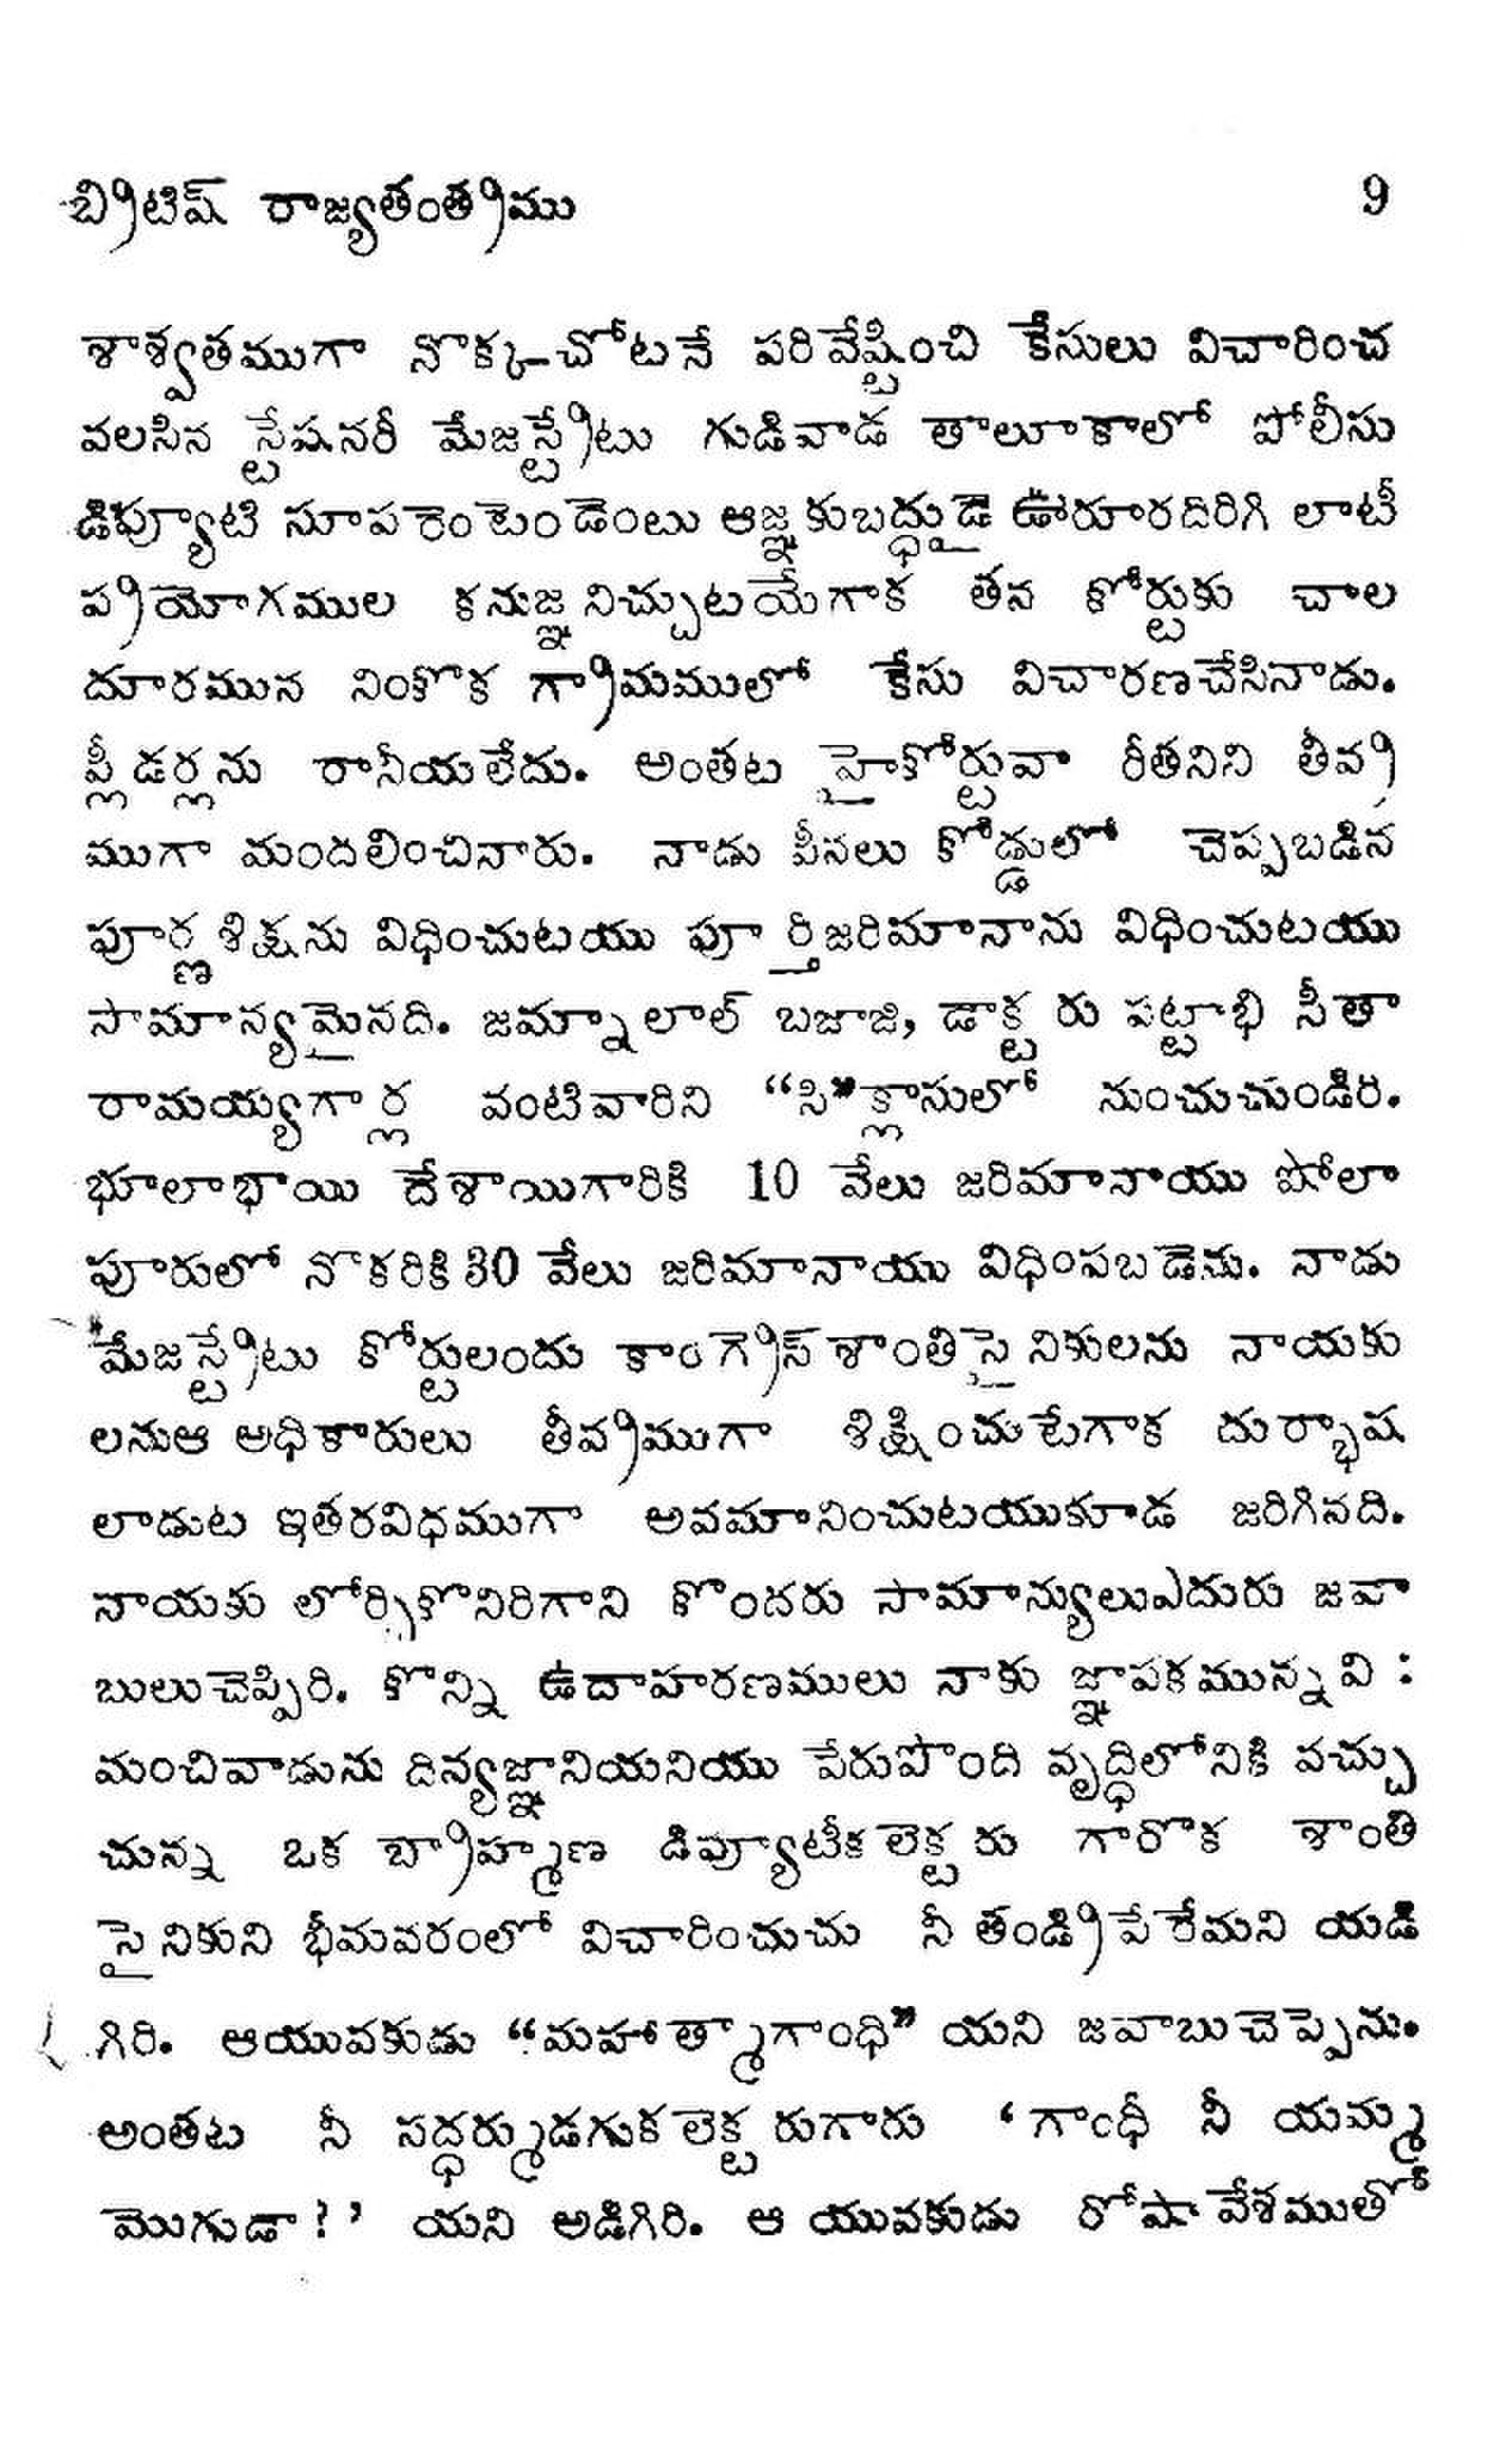శాశ్వతముగా నొక్కచోటనే పరివేష్టించి కేసులు విచారించ వలసిన స్టేషనరీ మేజస్ట్రేటు గుడివాడ తాలూకాలో పోలీసు డిప్యూటి సూపరెంటెండెంటు ఆజ్ఞకుబద్ధుడై ఊరూరదిరిగి లాటీ ప్రయోగముల కనుజ్ఞనిచ్చుటయేగాక తన కోర్టుకు చాల దూరమున నింకొక గ్రామములో కేసు విచారణచేసినాడు. ప్లీడర్లను రానీయలేదు. అంతట హైకోర్టువా రీతనిని తీవ్రముగా మందలించినారు. నాడు పీనలు కోడ్డులో చెప్పబడిన పూర్ణశిక్షను విధించుటయు పూర్తిజరిమానాను విధించుటయు సామాన్యమైనది. జమ్నాలాల్ బజాజి, డాక్టరు పట్టాభి సీతారామయ్యగార్ల వంటి వారిని "సి" క్లాసులో నుంచుచుండిరి. భూలాభాయి దేశాయిగారికి 10 వేలు జరిమానాయు పోలాపూరులో నొకరికి 30 వేలు జరిమానాయు విధింపబడెను. నాడు మేజస్ట్రేటు కోర్టులందు కాంగ్రెస్ శాంతి సైనికులను నాయకులనుఆ అధికారులు తీవ్రముగా శిక్షించుటేగాక దుర్భాషలాడుట ఇతరవిధముగా అవమానించుటయుకూడ జరిగినది. నాయకు లోర్చికొనిరిగాని కొందరు సామాన్యులు ఎదురు జవాబులుచెప్పిరి. కొన్ని ఉదాహరణములు నాకు జ్ఞాపకమున్నవి : మంచివాడును దివ్యజ్ఞానియనియు పేరుపొంది వృద్ధిలోనికి వచ్చుచున్న ఒక బాహ్మణ డిప్యూటీకలెక్టరు గారొక శాంతిసైనికుని భీమవరంలో విచారించుచు నీ తండ్రి పేరేమని యడిగిరి. ఆయువకుడు "మహాత్మాగాంధి" యని జవాబు చెప్పెను. అంతట నీ సద్ధర్ముడగుకలెక్టరుగారు 'గాంధీ నీ యమ్మ మొగుడా?' యని అడిగిరి. ఆ యువకుడు రోషావేశముతో